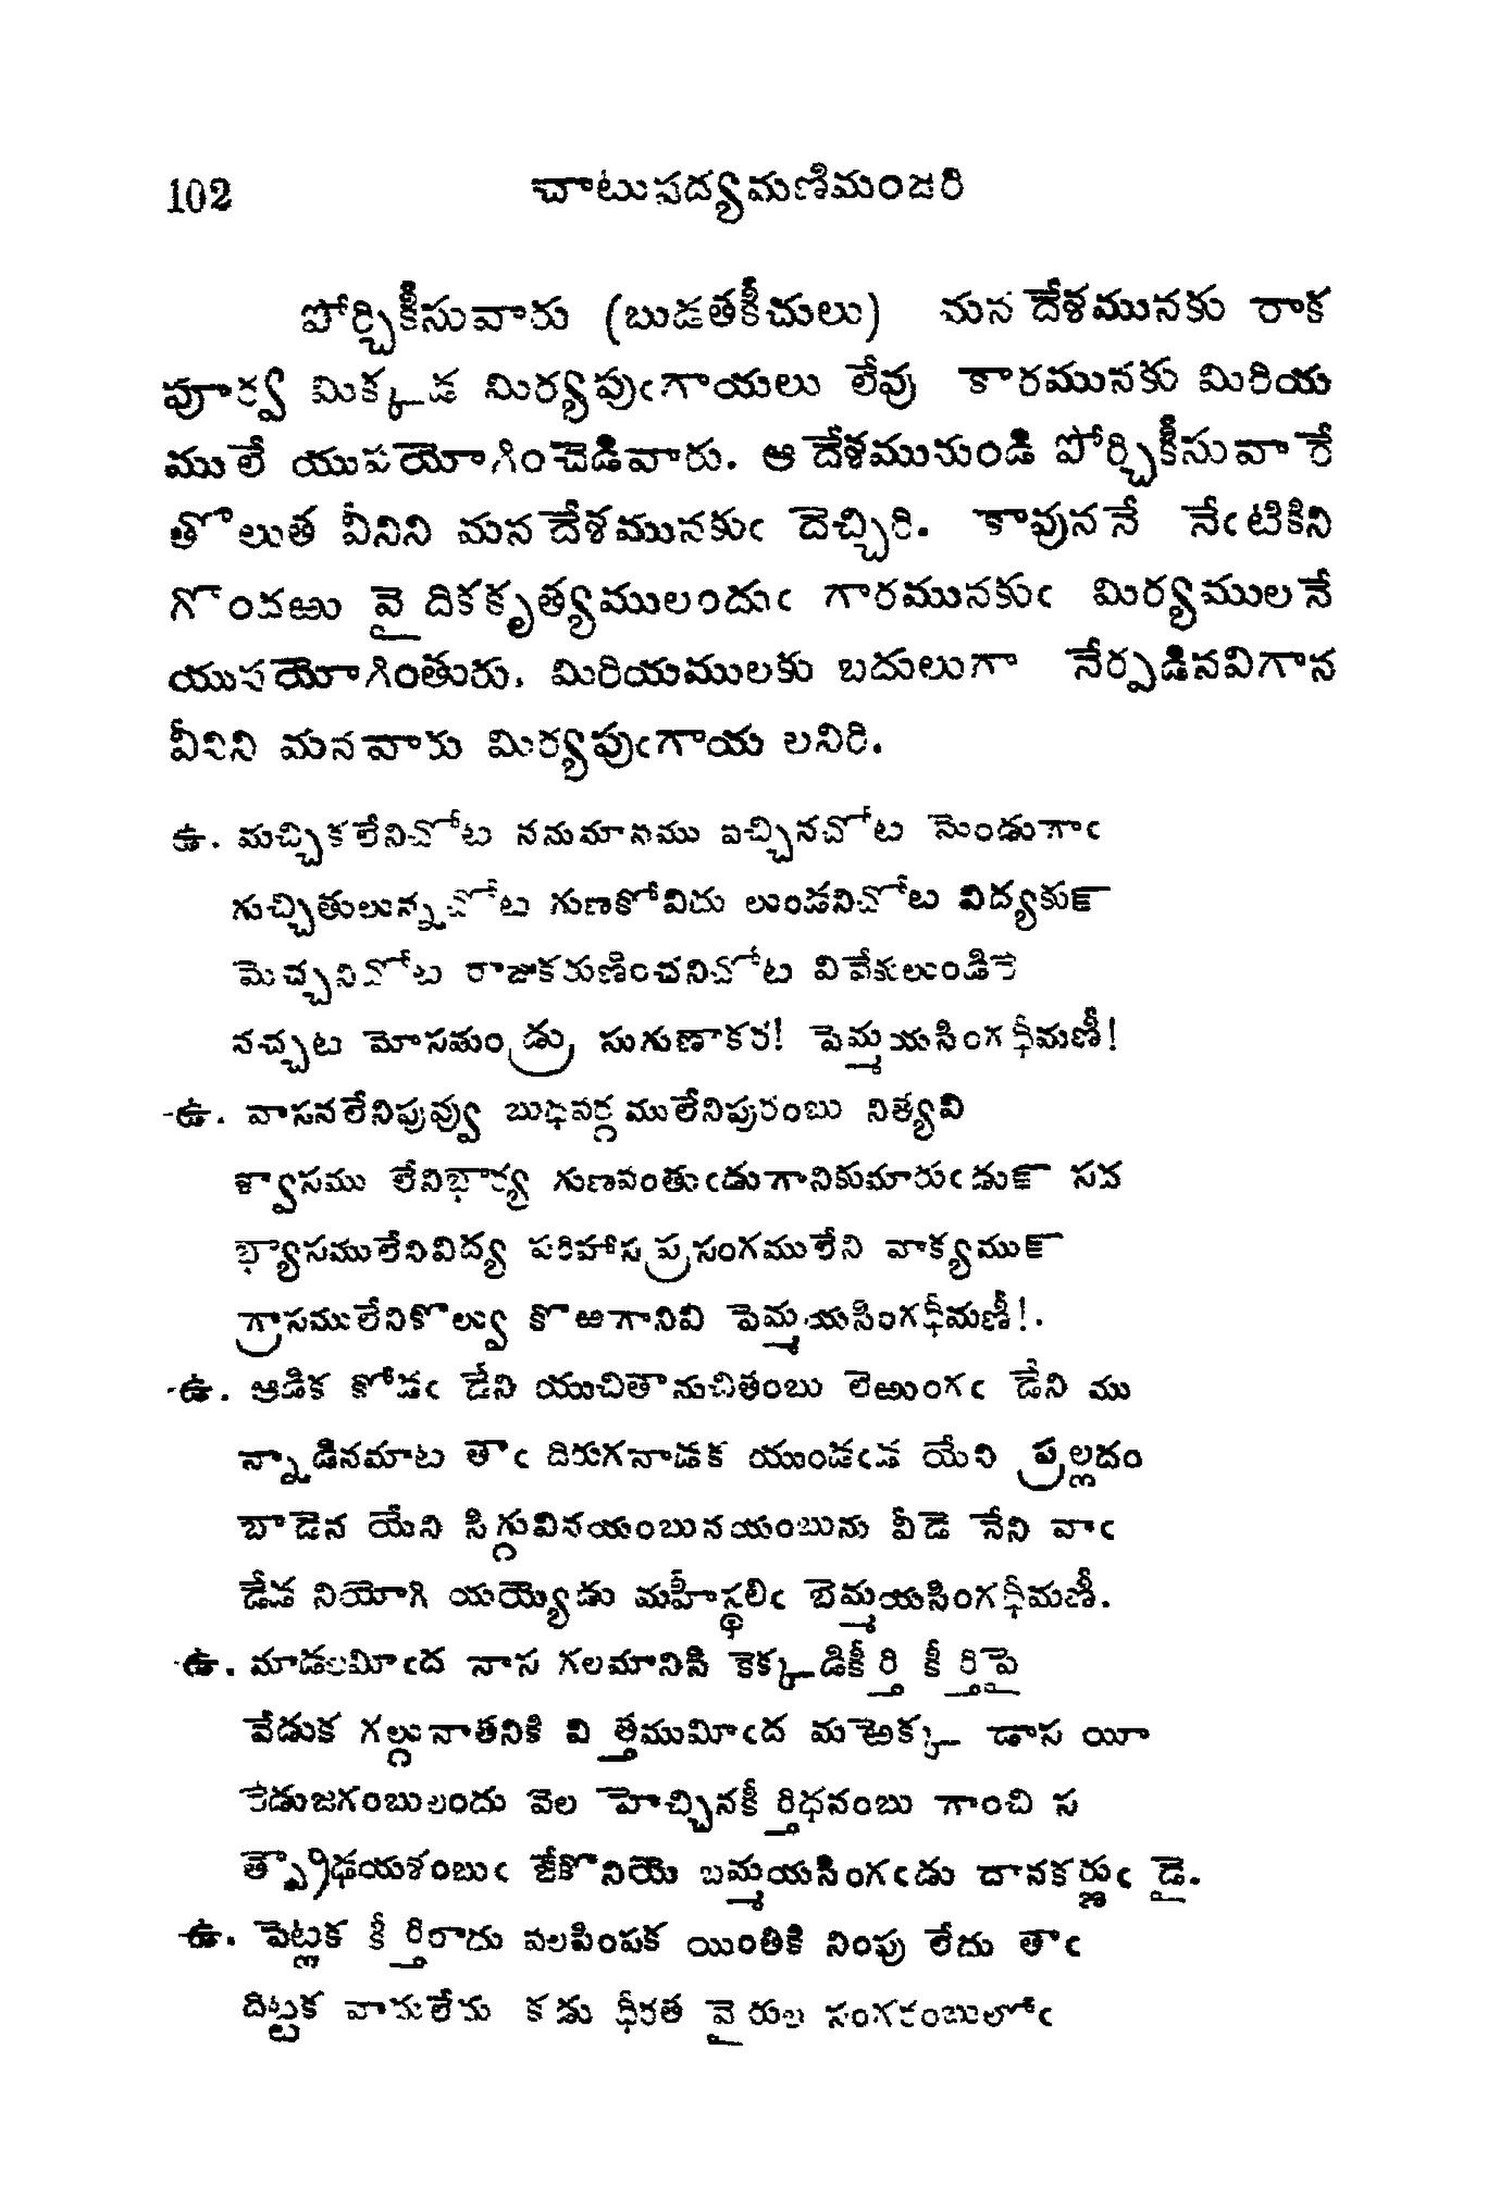పోర్చుగీసువారు (బుడతకీచులు) మనదేశమునకు రాకపూర్వ మిక్కడ మిర్యపుఁగాయలు లేవు. కారమునకు మిరియములే యుపయోగించెడివారు. ఆదేశమునుండి పోర్చుగీసువారే తొలుత వీనిని మనదేశమునకుఁ దెచ్చిరి. కావుననే నేఁటికిని గొందఱు వైదికకృత్యములందుఁ గారమునకుఁ మిర్యములనే యుపయోగింతురు. మిరియములకు బదులుగా నేర్పడినవిగాన వీనిని మనవారు మిర్యపుఁగాయ లనిరి.
ఉ. మచ్చికలేనిచోట ననుమానము వచ్చినచోట మెండుగాఁ
 గుచ్చితు లున్నచోట గుణకోవిదు లుండనిచోట విద్యకున్
 మెచ్చనిచోట రాజుకరుణించనిచోట వివేకు లుండిరే
 నచ్చట మోసమండ్రు సుగుణాకర! పెమ్మయసింగధీమణీ!
ఉ. వాసనలేనిపువ్వు బుధవర్గములేనిపురంబు నిత్యవి
 శ్వాసములేనిభార్య గుణవంతుఁడుగానికుమారుఁడున్ సద
 భ్యాసములేనివిద్య పరిహాసప్రసంగములేనివాక్యమున్
 గ్రాసములేనికొల్వు కొఱగానివి పెమ్మయసింగధీమణీ!
ఉ. ఆడిక కోడఁ డేని యుచితానుచితంబు లెఱుంగఁ డేని ము
 న్నాడినమాట తాఁ దిరుగనాడక యుండఁడ యేని ప్రల్లదం
 బాడెన యేని సిగ్గువివయంబు నయంబును వీడె నేని వాఁ
 డేడ నియోగి యయ్యెడు మహీస్థలిఁ బెమ్మయసింగధీమణీ!
ఉ. మాడలమీఁద నాస గలమానిసి కెక్కడికీర్తి కీర్తిపై
 వేడుక గల్గునాతనికి విత్తముమీఁద మఱెక్క డాస యీ
 రేడుజగంబులందు వెల హెచ్చినకీర్తిధనంబు గాంచి స
 త్ప్రౌఢయశంబుఁ జేకొనియె బమ్మయసింగఁడు దానకర్ణుఁడై.
ఉ. పెట్టక కీర్తిరాదు వలపింపక యింతికి నింపు లేదు తాఁ
 దిట్టక వాదు లేదు కడు ధీరత వైరుల సంగరంబులోఁ